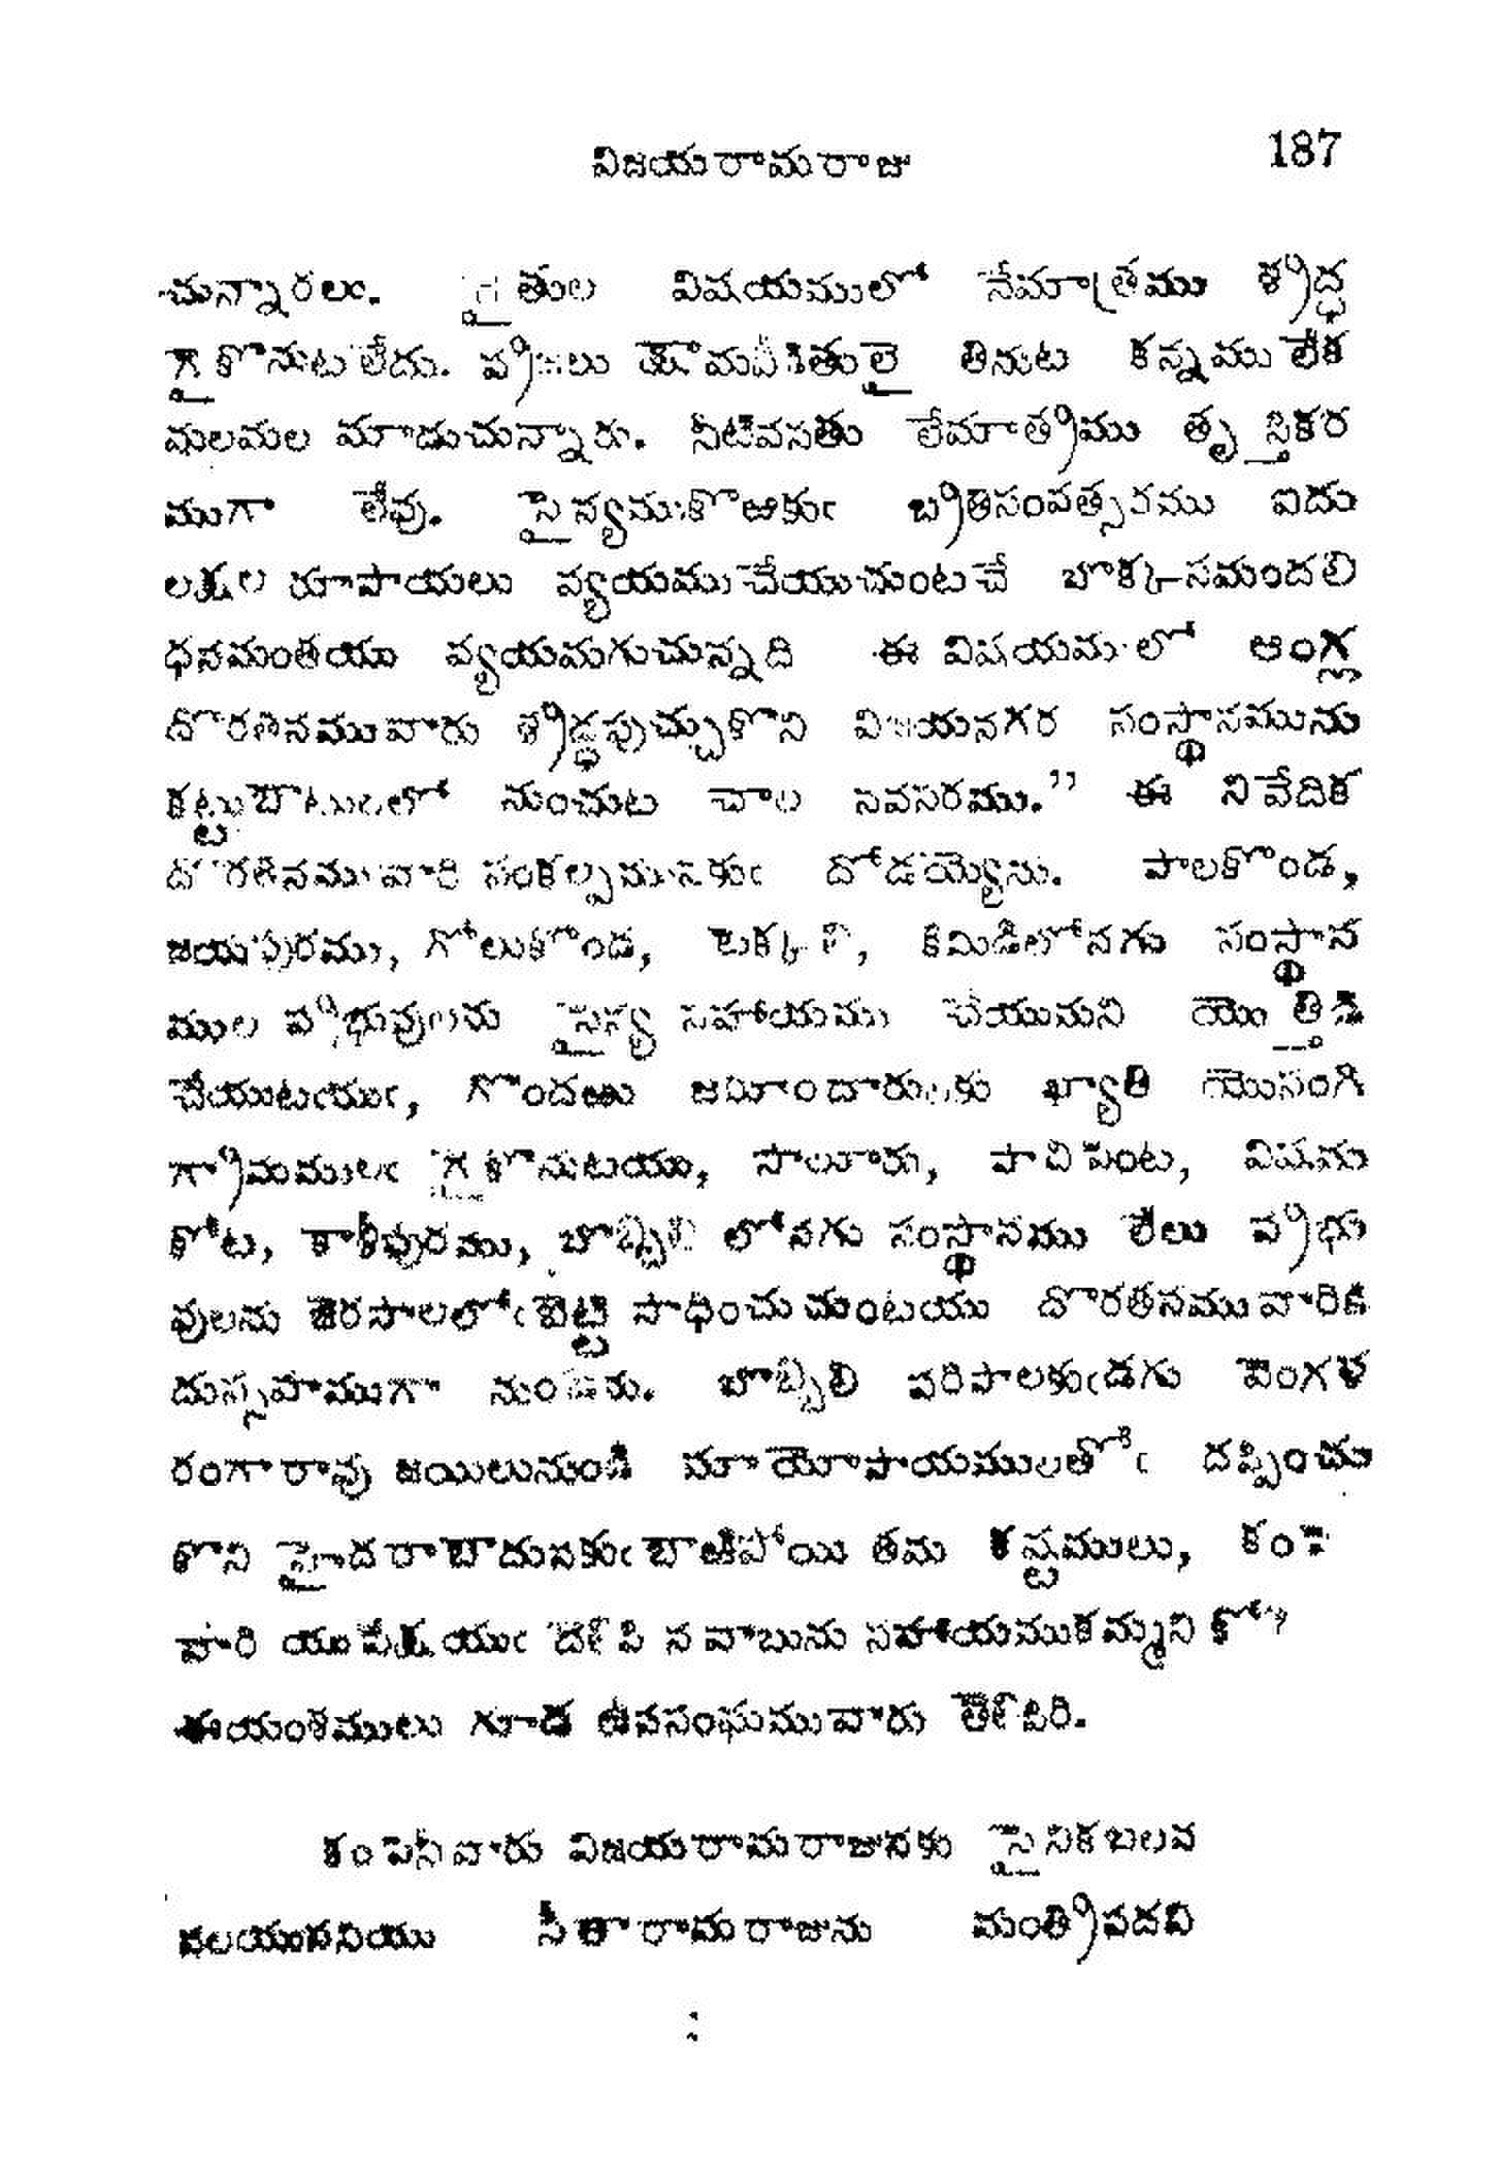చున్నారలు. రైతుల విషయములో నేమాత్రము శ్రద్ధగైకొనుట లేదు. ప్రజలు క్షామపీడితులై తినుట కన్నము లేక మలమల మాడుచున్నారు. నీటివసతు లేమాత్రము తృప్తికరముగా లేవు. సైన్యముకొఱకు బ్రతిసంవత్సరము ఐదు లక్షల రూపాయలు వ్యయముచేయుచుంటచే బొక్కసమందలి ధనమంతయు వ్యయమగుచున్నది. ఈవిషయములో ఆంగ్ల దొరతనమువారు శ్రద్ధపుచ్చుకొని విజయనగర సంస్థానమును కట్టుబాటులలో నుంచుట చాల నవసరము." ఈ నివేదిక దొరతనమువారి సంకల్పమునకు దోడయ్యెను. పాలకొండ, జయపురము, గోలుకొండ, టెక్కలి, కిమిడిలోనగు సంస్థానముల ప్రభువులను సైన్య సహాయము చేయుమని యొత్తిడి చేయుటయు, గొందఱు జమీందారులకు ఖ్యాతి యొసంగి గ్రామముల గైకొనుటయు, సాలూరు, పాచిపెంట, విషమకోట, కాశీపురము, బొబ్బిలి లోనగు సంస్థానము లేలు ప్రభువులను జెరసాలలోబెట్టి సాధించుచుంటయు దొరతనమువారికి దుస్సహముగా నుండెను. బొబ్బిలి పరిపాలకుడగు వెంగళరంగారావు జయిలునుండి మాయోపాయములతో దప్పించుకొని హైదరాబాదునకు బాఱిపోయి తమ కష్టములు, కంపెనీవారి యుపేక్షయు దెలిపి నవాబును సహాయముకమ్మని కోరినట్లు, ఈయంశములు గూడ ఉపసంఘమువారు తెలిపిరి.

కంపెనీవారు విజయరామరాజునకు సైనికబలము కావలయుననియు సీతారామరాజును మంత్రిపదవి నుండి